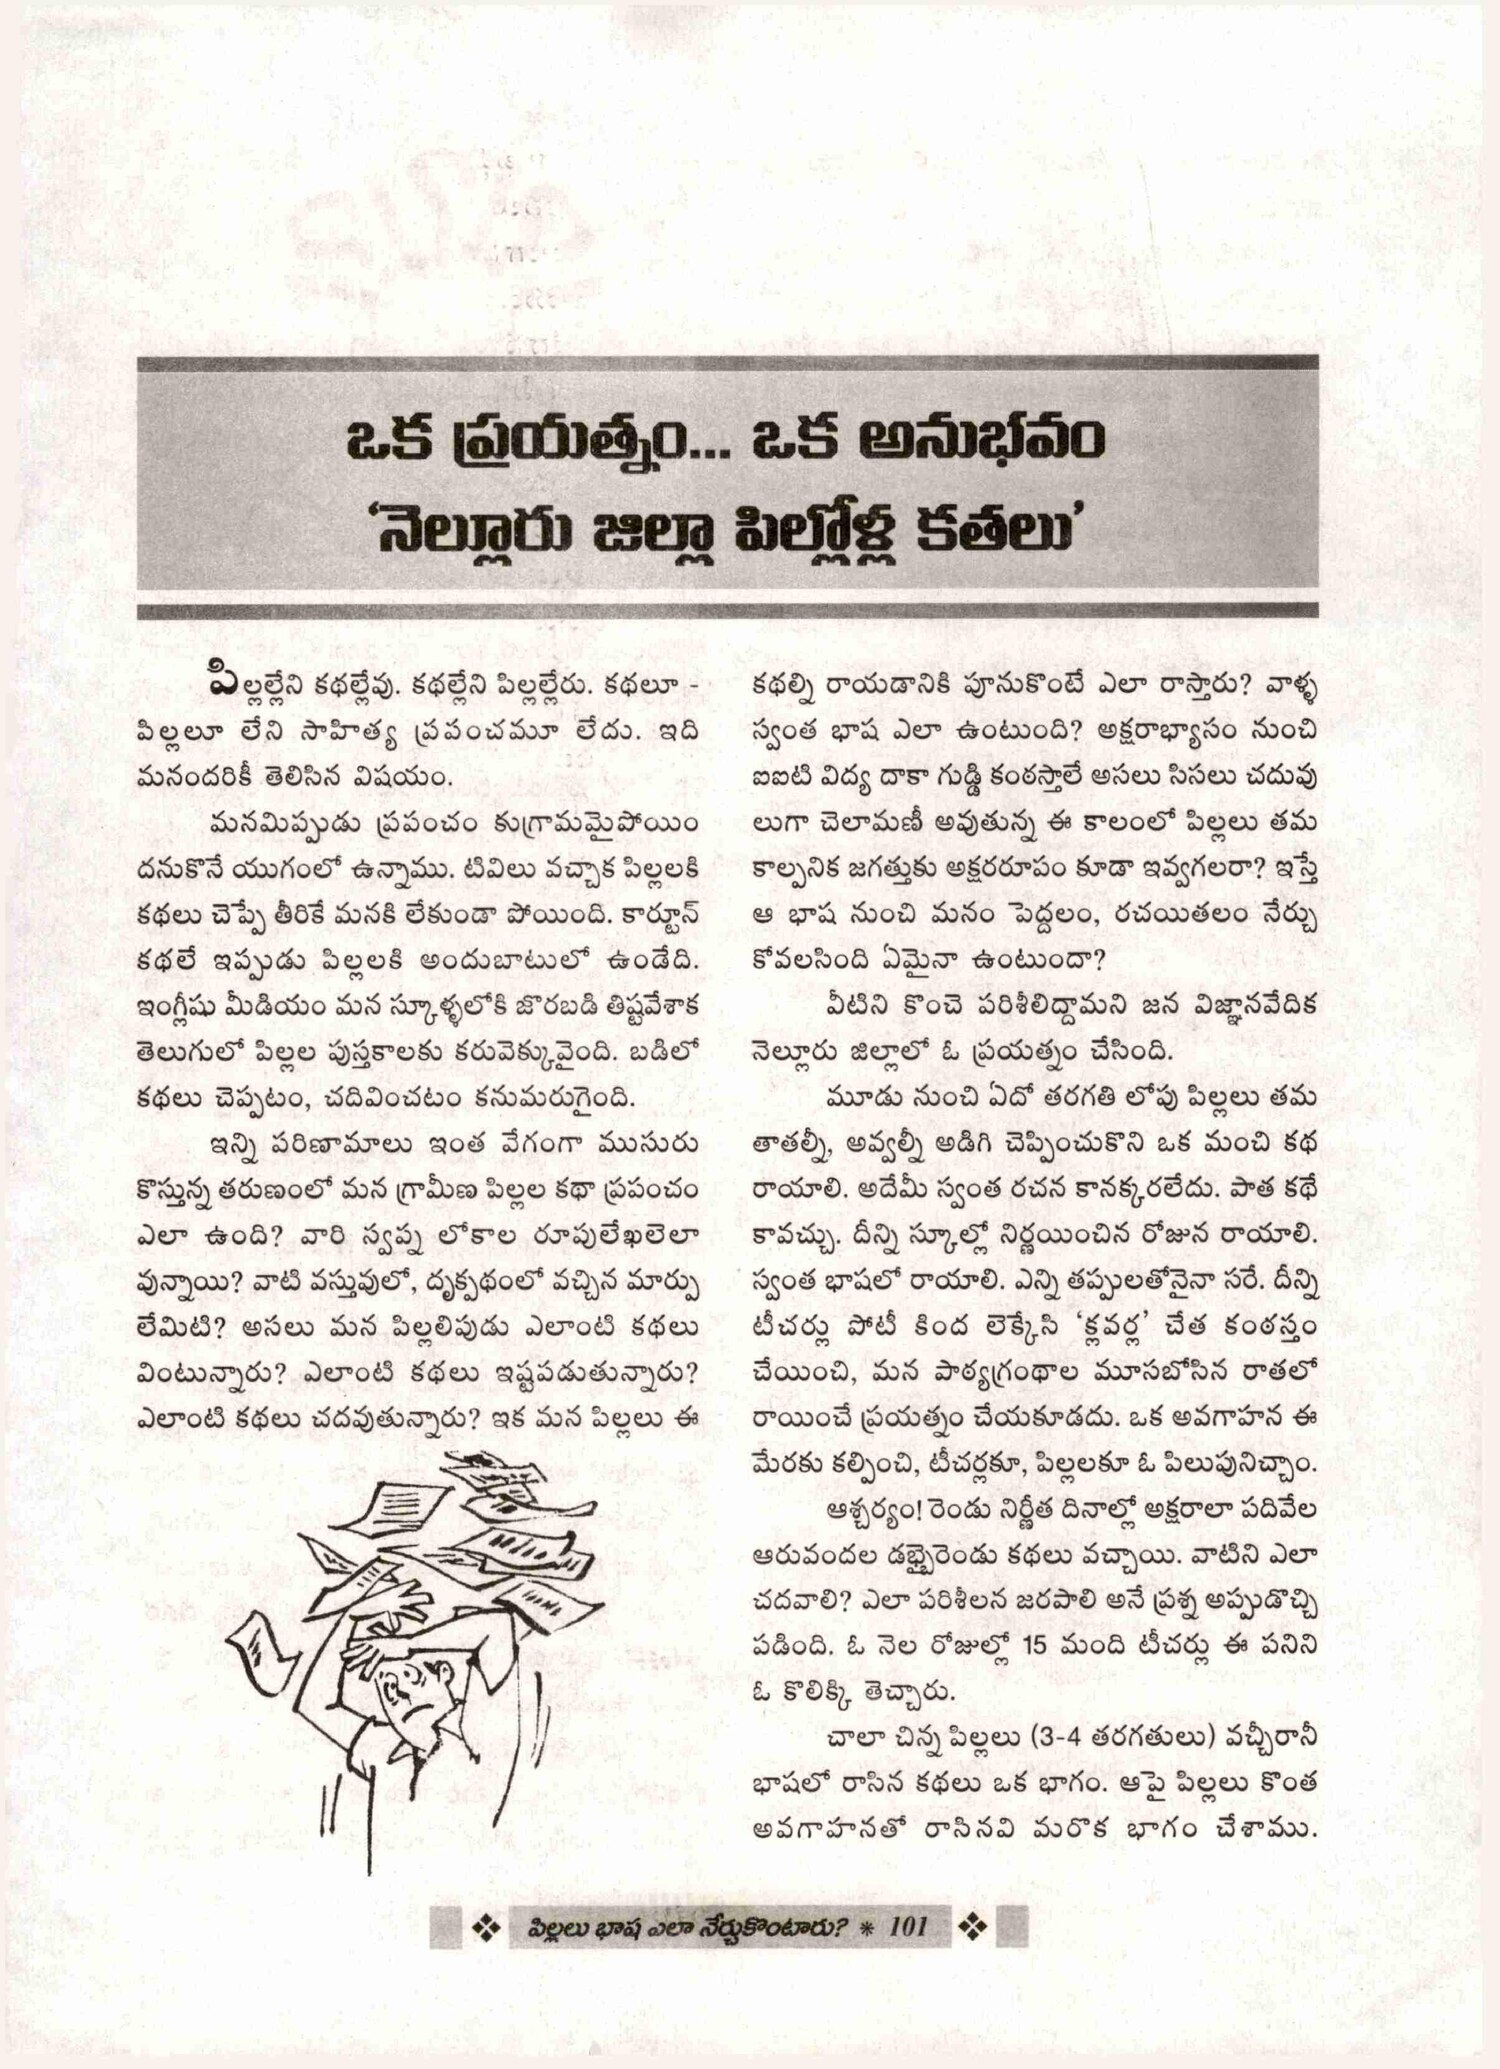ఒక ప్రయత్నం... ఒక అనుభవం
'నెల్లూరు జిల్లా పిల్లోళ్ల కతలు'

పిల్లల్లేని కథల్లేవు. కథల్లేని పిల్లల్లేరు. కథలూ - పిల్లలూ లేని సాహిత్య ప్రపంచమూ లేదు. ఇది మనందరికీ తెలిసిన విషయం.

మనమిప్పుడు ప్రపంచం కుగ్రామమైపోయిం దనుకొనే యుగంలో ఉన్నాము. టివిలు వచ్చాక పిల్లలకి కథలు చెప్పే తీరికే మనకి లేకుండా పోయింది. కార్టూన్ కథలే ఇప్పుడు పిల్లలకి అందుబాటులో ఉండేది. ఇంగ్లీషు మీడియం మన స్కూళ్ళలోకి జొరబడి తిష్టవేశాక తెలుగులో పిల్లల పుస్తకాలకు కరువెక్కువైంది. బడిలో కథలు చెప్పటం, చదివించటం కనుమరుగైంది.

ఇన్ని పరిణామాలు ఇంత వేగంగా ముసురు కొస్తున్న తరుణంలో మన గ్రామీణ పిల్లల కథా ప్రపంచం ఎలా ఉంది? వారి స్వప్న లోకాల రూపులేఖలెలా వున్నాయి? వాటి వస్తువులో, దృక్పథంలో వచ్చిన మార్పు లేమిటి? అసలు మన పిల్లలిపుడు ఎలాంటి కథలు వింటున్నారు? ఎలాంటి కథలు ఇష్టపడుతున్నారు? ఎలాంటి కథలు చదవుతున్నారు? ఇక మన పిల్లలు ఈ కథల్ని రాయడానికి పూనుకొంటే ఎలా రాస్తారు? వాళ్ళ స్వంత భాష ఎలా ఉంటుంది? అక్షరాభ్యాసం నుంచి ఐఐటి విద్య దాకా గుడ్డి కంఠస్తాలే అసలు సిసలు చదువులుగా చెలామణీ అవుతున్న ఈ కాలంలో పిల్లలు తమ కాల్పనిక జగత్తుకు అక్షరరూపం కూడా ఇవ్వగలరా? ఇస్తే ఆ భాష నుంచి మనం పెద్దలం, రచయితలం నేర్చుకోవలసింది ఏమైనా ఉంటుందా?

వీటిని కొంచె పరిశీలిద్దామని జన విజ్ఞానవేదిక నెల్లూరు జిల్లాలో ఓ ప్రయత్నం చేసింది.

మూడు నుంచి ఏడో తరగతి లోపు పిల్లలు తమ తాతల్నీ, అవ్వల్నీ అడిగి చెప్పించుకొని ఒక మంచి కథ రాయాలి. అదేమీ స్వంత రచన కానక్కరలేదు. పాత కథే కావచ్చు. దీన్ని స్కూల్లో నిర్ణయించిన రోజున రాయాలి. స్వంత భాషలో రాయాలి. ఎన్ని తప్పులతోనైనా సరే. దీన్ని టీచర్లు పోటీ కింద లెక్కేసి 'క్లవర్ల' చేత కంఠస్తం చేయించి, మన పాఠ్యగ్రంథాల మూసబోసిన రాతలో రాయించే ప్రయత్నం చేయకూడదు. ఒక అవగాహన ఈ మేరకు కల్పించి, టీచర్లకూ, పిల్లలకూ ఓ పిలుపునిచ్చాం.

ఆశ్చర్యం! రెండు నిర్ణీత దినాల్లో అక్షరాలా పదివేల ఆరువందల డభ్భైరెండు కథలు వచ్చాయి. వాటిని ఎలా
చదవాలి? ఎలా పరిశీలన జరపాలి అనే ప్రశ్న అప్పుడొచ్చి పడింది. ఓ నెల రోజుల్లో 15 మంది టీచర్లు ఈ పనిని
ఓ కొలిక్కి తెచ్చారు.

చాలా చిన్న పిల్లలు (3-4 తరగతులు) వచ్చీరానీ భాషలో రాసిన కథలు ఒక భాగం. ఆపై పిల్లలు కొంత అవగాహనతో రాసినవి మరొక భాగం చేశాము.